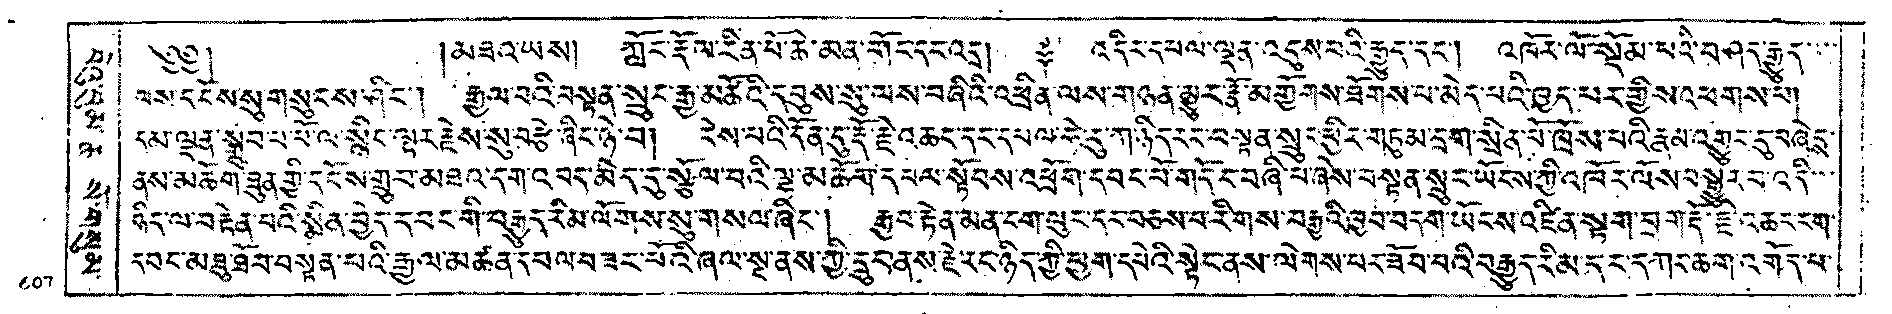༄༅། །མཐའ་ཡས། ཀློང་རྡོལ་རིན་པོ་ཆེ་མན་གོང་དང་འདྲ། ༈ འདིར་དཔལ་ལྡན་འདུས་པའི་རྒྱུད་དང་། འཁོར་ལོ་སྡོམ་པའི་བཤད་རྒྱུད་
ལས་དངོས་སུ་གསུངས་ཤིང་། རྒྱལ་བའི་བསྟན་སྲུང་རྒྱ་མཚོའི་དབུས་སུ་ལས་བཞིའི་འཕྲིན་ལས་གཉན་མྱུར་རྣོ་མགྱོགས་ཐོགས་པ་མེད་པའི་ཁྱད་པར་གྱིས་འཕགས་པ།
དམ་ལྡན་སྒྲུབ་པ་པོ་ལ་སྙིང་ལྟར་རྗེས་སུ་བརྩེ་ཞིང་ཉེ་བ། ངེས་པའི་དོན་དུ་རྡོ་རྗེ་འཆང་དང་དཔལ་ཧེ་རུ་ཀ་ཉིད་རང་བསྟན་སྲུང་ཕྱིར་གཏུམ་དྲག་སྲིན་པོ་ཁྲོས་པའི་རྣམ་འགྱུར་དུ་བཞེངས་
ནས་མཆོག་ཐུན་གྱི་དངོས་གྲུབ་མཐའ་དག་འབད་མེད་དུ་སྩོལ་བའི་ལྷ་མཆོག་དཔལ་སྟོབས་འཕྲོག་དབང་པོ་གདོང་བཞི་པ་ཞེས་བསྟན་སྲུང་ཡོངས་ཀྱི་འཁོར་ལོས་བསྒྱུར་བ་འདི་
ཉིད་ལ་བརྟེན་པའི་སྨིན་བྱེད་དབང་གི་བརྒྱུད་རིམ་ལོགས་སུ་གསལ་ཞིང་། རྒྱབ་རྟེན་མན་ངག་ལུང་དང་བཅས་པ་རིགས་བརྒྱའི་ཁྱབ་བདག་ཡོངས་འཛིན་སྟག་བྲག་རྡོ་རྗེ་འཆང་ངག་
དབང་མཐུ་ཐོབ་བསྟན་པའི་རྒྱལ་མཚན་དཔལ་བཟང་པོའི་ཞལ་སྔ་ནས་ཀྱི་དྲུང་ནས་རྗེ་རང་ཉིད་ཀྱི་ཕྱག་དཔེའི་སྟེང་ནས་ལེགས་པར་ཐོབ་པའི་བརྒྱུད་རིམ་དང་དཀར་ཆག་འགོད་པ་